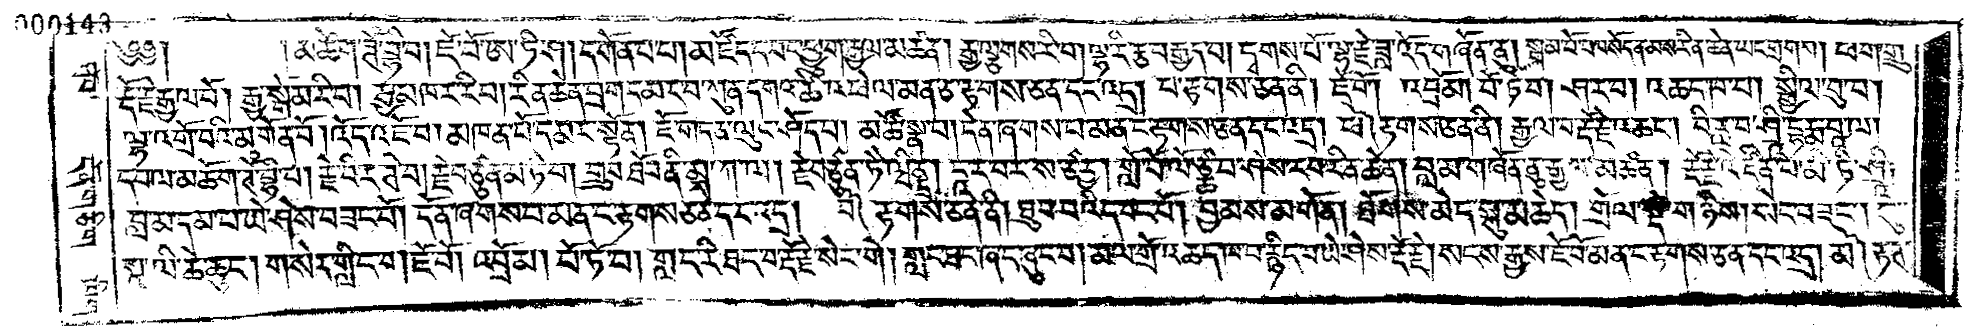༄༅། །མཆོག་རྚ་བྷི་བ། ཛེ་བོ་ཨ་ཏི་ཤ། དགོན་པ་པ། མཛོད་དབང་ཕྱུག་རྒྱལ་མཚན། རྒྱ་ལྕགས་རི་བ། ལྷ་རི་རྩ་བརྒྱད་པ། དྭགས་པོ་ལྷ་རྗེ་ཟླ་འོད་གཞོན་ནུ། སྒམ་པོ་བ་བསོད་ནམས་རིན་ཆེན་ཡང་གྲག་པ།  ཕག་གྲུ་
རྡོ་རྗེ་རྒྱལ་པོ། རྒྱ་སྒོམ་རི་བ། རྒྱ་མཁར་རིབ། རིན་ཆེན་བྲག་དམར་བ་ཀུན་དགའ་ཚེ་འཕེལ་མན་ཅ་རྟགས་ཅན་དང་འདྲ། པ་རྟགས་ཅན་ནི། ཇོ་བོ། འབྲོམ། བོ་ཏེ་བ། ཤར་བ། འཆད་ཁ་པ། སྒྱིལ་བུ་བ།
ལྷ་འགྲོ་བའི་མགོན་པོ། འོད་འཇོ་བ། མཁན་པོ་དམར་སྟོན། ཇོ་གདན་ལུང་ཤོད་པ། མཚོ་སྣ་པ། དེན་ཞགས་པ་མན་ང་རྟགས་ཅན་དང་འདྲ། ཕ་རྟགས་ཅན་ནི། རྒྱལ་བ་རྡོ་རྗེ་འཆང་། བིརླ་བ་ཤྲི་དྷརྨ་བཱ་ལ།
དཔལ་མཆོག་ཊོ་བྷི་པ། རྗེ་བི་ར་ཊི་བ། རྗེ་བཙུན་མ་ཏི་བ། གྲུབ་ཐོབ་ནི་མྐ་ཀ་ལ། རྗེ་བཙུན་ཏཻ་ཝྭིནྡྲ། དཱ་ར་བར་ས་ཙིརྱ། གློ་བོ་ལོ་ཙྪ་བ་ཤེས་རབ་རིན་ཆེན། བླ་མ་གཞོན་ནུ་རྒྱལ་མཚན། རྡོ་རྗེའི་འཛིན་བ་མི་ཏི་ཤྲཱི།
བླ་མ་དམ་པ་ཡེ་ཤེས་བཟང་པོ། དོན་ཞགས་པ་མན་བརྟགས་ཅན་དང་འདྲ། བ་རྟགས་ཅན་ནི། ཐུབ་པའི་དབང་པོ། བྱམས་མགོན། ཐོགས་མེད་སྐུ་མཆེད། གྲོལ་སྡེ་གཉིས། སེང་བཟང་། ཀུ་
སཱ་ལི་ཆེ་ཆུང་། གསེར་གླིང་བ། ཇོ་བོ། འབྲོམ། པོ་ཏོ་པ། གླང་རི་ཐང་བ་རྡོ་རྗེ་སེང་གེ། གླང་ཐང་ཞང་ཞུང་བ། མལ་གྲོ་འཆད་པ་ཁ་བ་རྙིང་བ་ཡེ་ཤེས་རྡོ་རྗེ། སངས་རྒྱས་ཇོ་བོ་མན་ང་རྟགས་ཅན་དང་འདྲ། མ་རྟཌ་